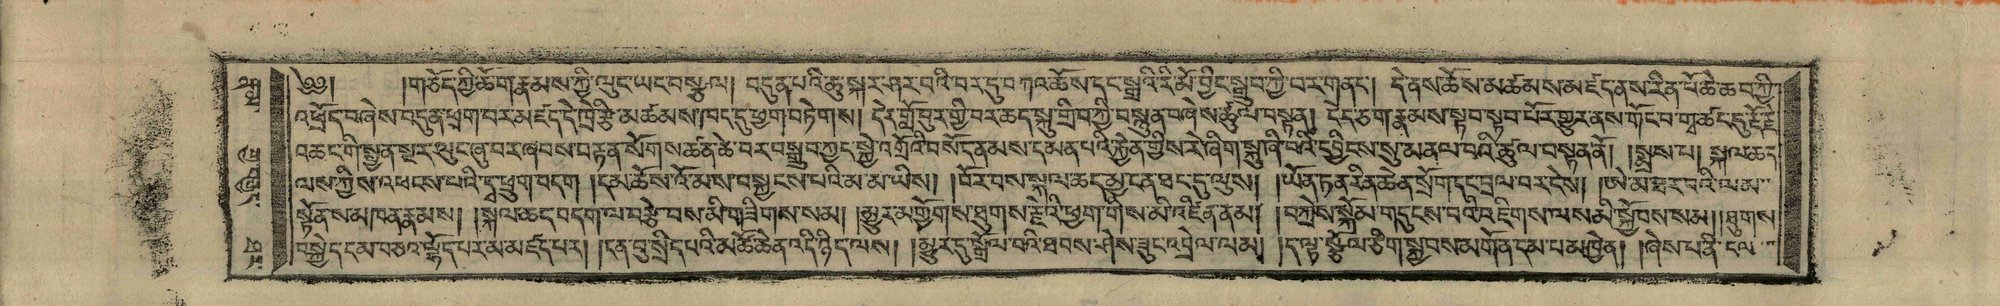༄༅། །གཅོད་ཀྱི་ཆོ་ག་རྣམས་ཀྱི་ལུང་ཡང་བསྩལ། བདུན་པའི་ཆུ་སྐར་ཤར་བའི་བར་དུ་བཀའ་ཆོས་དང་སྒྲའི་རི་མོ་བྱིང་སྒྲུབ་ཀྱི་བར་གནང་། དེ་ནས་ཆོས་མཚམས་མཛད་ནས་རིན་པོ་ཆེ་ཆབ་ཀྱི་
འཕྲོད་བཞེས་བདུན་ཕྲག་བར་མཛད་དེ་ཁྲེ་རྩི་མཚམས་ཁང་དུ་ཕྱག་བཏེགས། དེར་གློ་བུར་གྱི་བར་ཆད་སྐུ་གྲིབ་ཀྱི་བསྙུན་བཞེས་ཚུལ་བསྟན། ངེད་ཅག་རྣམས་སྟབ་སྟབ་པོར་གྱུར་ནས་གོང་བ་གྭ་ཚང་དུ་རྡོ་རྗེ་
འཆང་གི་སྤྱན་སྔར་ལུང་ཞུ་བར་ཞབས་བརྟན་སོགས་ཚན་ཆེ་བར་བསྒྲུབ་ཀྱང་སྐྱེ་འགྲོའི་བསོད་ནམས་དམན་པའི་རྐྱེན་གྱིས་རེ་ཞིག་སྐུ་ཞི་བའི་དབྱིངས་སུ་མནལ་བའི་ཚུལ་བསྟན་ནོ། །སྨྲས་པ། སྐལ་ཆད་
ལས་ཀྱིས་འཕངས་པའི་དྭ་ཕྲུག་བདག །དམ་ཆོས་འོ་མས་བསྐྱངས་པའི་མ་མ་ཡིས། །བོར་བས་སྐལ་ཆད་མྱ་ངན་ཐང་དུ་ལུས། །ཡོན་ཏན་རིན་ཆེན་སྲོག་དང་བྲལ་བར་ངེས། །ཨེ་མ་ཐར་བའི་ལམ་
སྟོན་ས་མཁན་རྣམས། །སྐལ་ཆད་བདག་ལ་བརྩེ་བས་མི་གཟིགས་སམ། །མྱུར་མགྱོགས་ཐུགས་རྗེའི་ཕྱག་གིས་མི་འཛིན་ནམ། །བཀྲེས་སྐོམ་གདུངས་པའི་འཇིགས་ལས་མི་སྐྱོབས་སམ། །ཐུགས་
བསྐྱེད་དམ་བཅའ་ལྷོད་པར་མ་མཛད་པར། །ངན་བུ་སྲིད་པའི་མཚོ་ཆེན་འདི་ཉིད་ལས། །མྱུར་དུ་སྒྲོལ་བའི་ཐབས་ཤེས་ཟུང་འབྲེལ་ལམ། །ད་ལྟ་སྩོལ་ཅིག་སྐྱབས་མགོན་དམ་པ་མཁྱེན། །ཞེས་པ་ནི་ངལ་